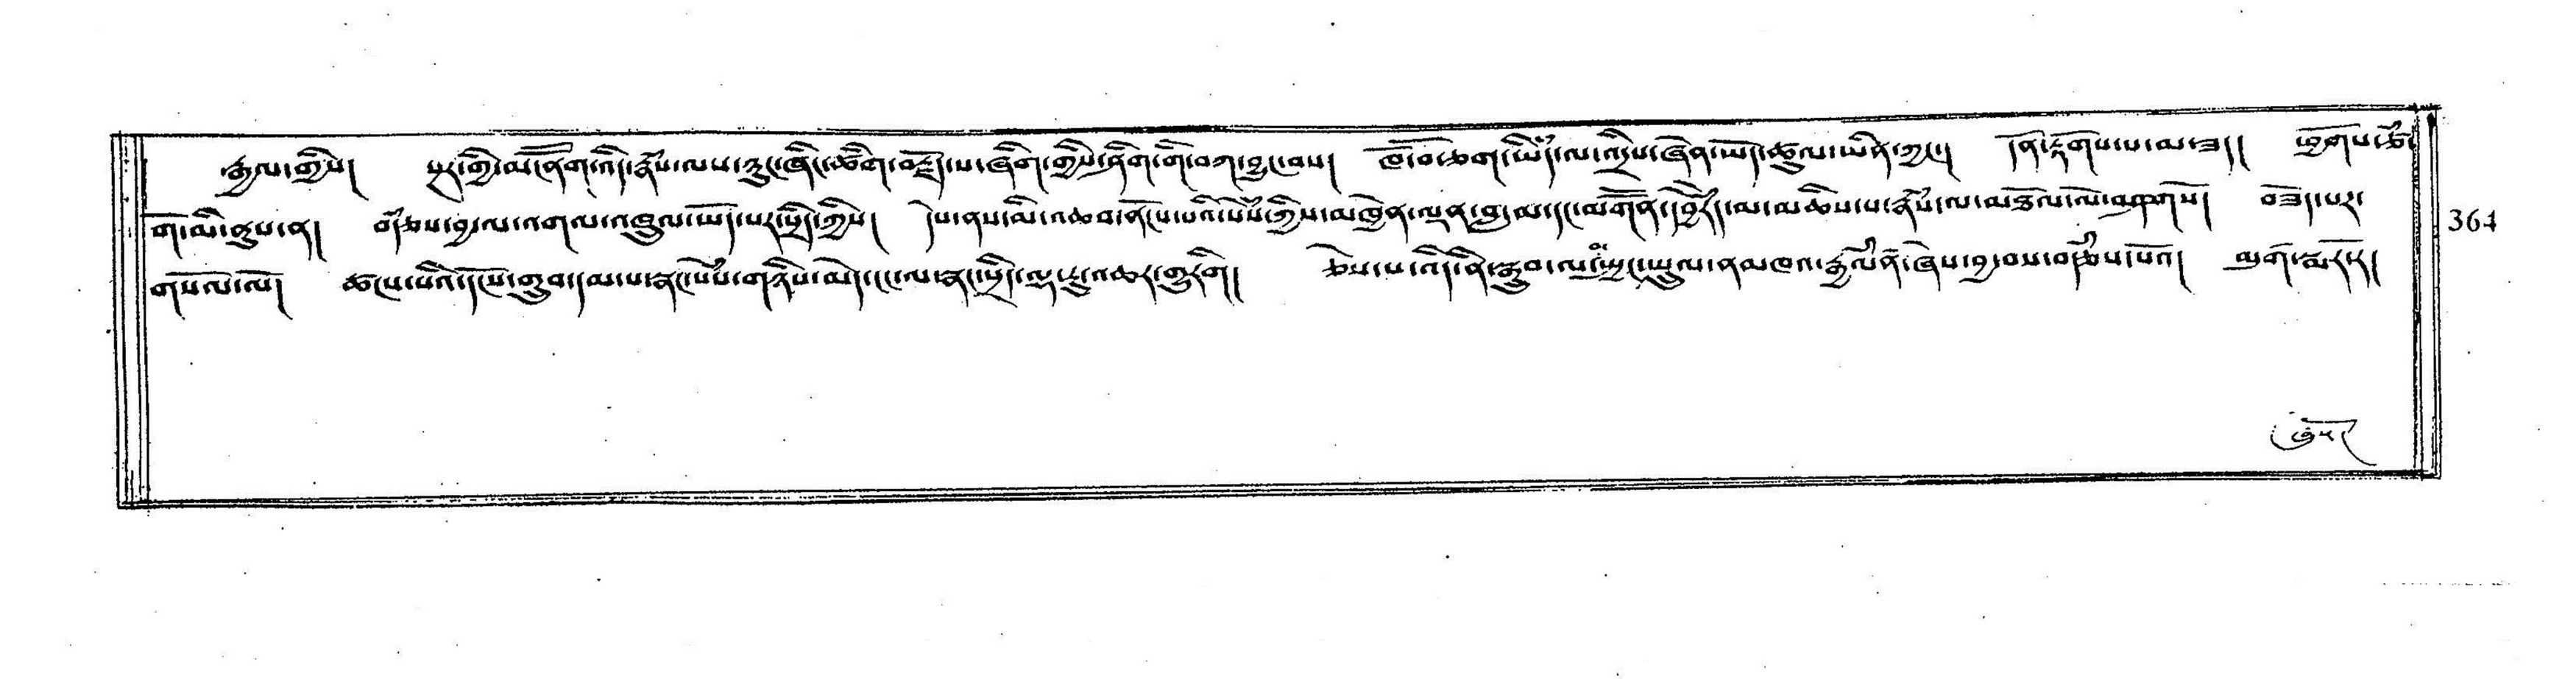རྒྱལ་གྱིས། སྔར་གྱི་མངོན་རྟོགས་འདི་རྣམས་ལས་ཉུང་ཞིང་ཚིག་བརྗོད་པ་ཞིག་གྱིས་ཤིག་གི་བཀའ་བྱུང་བས། ཁོ་བོ་ཅག་ཡི་དམ་ལ་འདྲིས་ཞེན་ཡོད་ཚུལ་ཡིན་ཀྱང་། དོན་རྟོགས་པ་མ་ཟད། ཕྱོགས་ཙམ་
གོ་མི་ནུས་ན། བརྩམས་བྱ་ལ་འགལ་འཁྲུལ་ཡོད་པར་སྲིད་ཀྱིས། དེས་ནས་མི་འཆབ་ནོངས་པའི་སེམས་ཀྱིས་མཁྱེན་ལྡན་བླ་མ་དང་མགོན་པོ་དབྱེར་མ་མཆིས་པ་རྣམས་ལ་མཐོལ་ལོ་བཤགས་སོ། བཟོད་པར་
གསོལ་ལོ། ཚངས་པའི་དངོས་གྲུབ་དམ་པ་སྣང་སེམས་གཉིས་མེད་ངང་ལ་སྣང་སྲིད་ལྷ་རུ་འཆར་གྱུར་ཅིག ཅེས་པ་འདི་ནི་སྒྲུབ་ལ་༼ལོ༽བ་སྤྱང་སྤྲུལ་ནམ་མཁའ་རྒྱལ་མཚན་ཞེས་བྱ་བས་བརྩམས་པའོ། མུ་ཙུག་སྨར་རོ། །